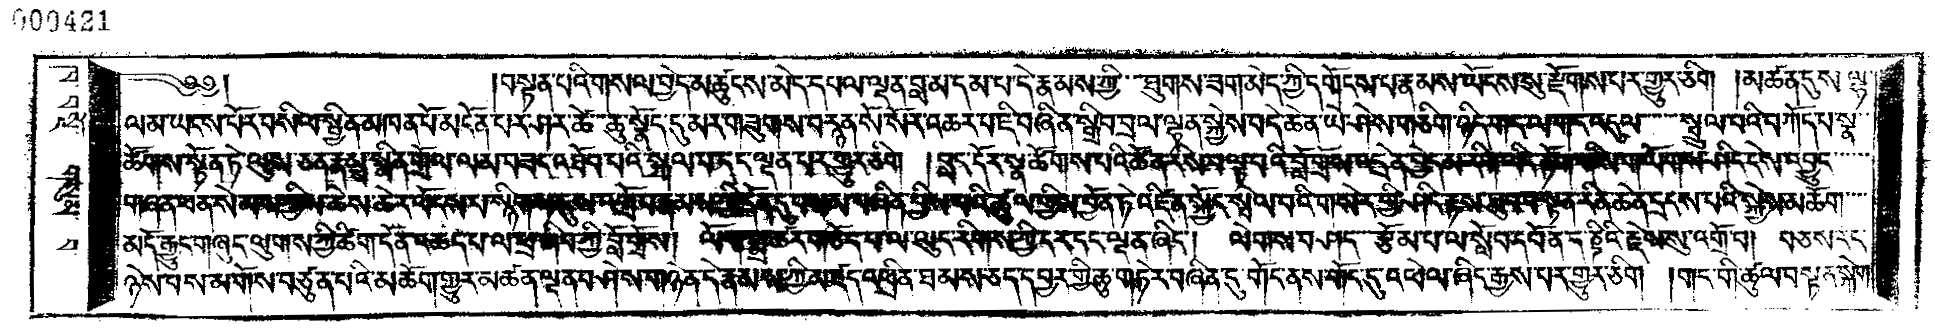༄༅། །བསྟན་པའི་གསལ་བྱེད་མཚུངས་མེད་དཔལ་ལྡན་བླ་མ་དམ་པ་དེ་རྣམས་ཀྱི་ཐུགས་ཟག་མེད་ཀྱི་དགོངས་པ་རྣམས་ཡོངས་སུ་རྫོགས་པར་གྱུར་ཅིག །མཚན་དུས་ལྷ་
ལམ་ཡངས་པོར་བསིལ་སྦྱིན་མཁན་པོ་མངོན་པར་ཤར་ཚེ་ཆུ་སྣོད་དུ་མར་གཟུགས་བརྙན་སོ་སོར་འཆར་པ་ཇི་བཞིན་སྒྲིབ་བྲལ་ལྷན་སྐྱེས་བདེ་ཆེན་ཡེ་ཤེས་གཅིག་ཉིད་གང་ལ་གང་འདུལ་སྤྲུལ་བའི་བཀོད་པ་སྣ་
ཚོགས་སྟོན་ཏེ་ལུས་ཅན་རྣམས་སྨིན་གྲོལ་ལམ་བཟང་འཐོབ་པའི་སྐལ་པ་དང་ལྡན་པར་གྱུར་ཅིག །བླང་དོར་སྣ་ཚོགས་པའི་ཚོན་རིས་བལྟ་བའི་བློ་གྲོས་འདྲེན་བྱེད་མ་རིག་ལིང་རྟོག་གིས་གཡོགས་ཤིང་ངེས་འབྱུང་
གཞན་ཕན་སེམས་ཀྱིས་ཆེས་ཆེར་ཕོངས་པ་སྙིགས་དུས་འགྲོ་བ་རྣམས་ཀྱི་དོན་དུ་བསམ་བཞིན་བྱིས་པའི་ཚུལ་གྱིས་བྱོན་ཏེ་འཛིན་སྐྱོང་སྤེལ་བའི་གསེར་གྱི་ཤིང་རྟས་ཐུབ་བསྟན་རིན་ཆེན་དྲངས་པའི་སྐྱེས་མཆོག་
མདོ་རྒྱུད་གཞུང་ལུགས་ཀྱི་ཚིག་དོན་འཆད་པ་ལ་ཕྲ་ཞིབ་ཀྱི་བློ་གྲོས། ལོག་སྨྲ་ཚར་གཅོད་པ་ལ་ལུང་རིགས་ཀྱི་ངར་དང་ལྡན་ཞིང་། ལེགས་བཤད་རྩོམ་པ་ལ་སློབ་དཔོན་ད་ཎྜིའི་རྗེས་སུ་འགྲོ་བ། བཅས་རང་
ཉེས་པས་མ་གོས་བཙུན་པའི་མཆོག་གྱུར་མཚན་ལྡན་བཤེས་གཉེན་དེ་རྣམས་ཀྱི་མཛད་འཕྲིན་ཐམས་ཅད་དབྱར་གྱི་ཆུ་གཏེར་བཞིན་དུ་གོང་ནས་གོང་དུ་འཕེལ་ཞིང་རྒྱས་པར་གྱུར་ཅིག །གང་གི་ཚུལ་བསྟན་སྐེག་